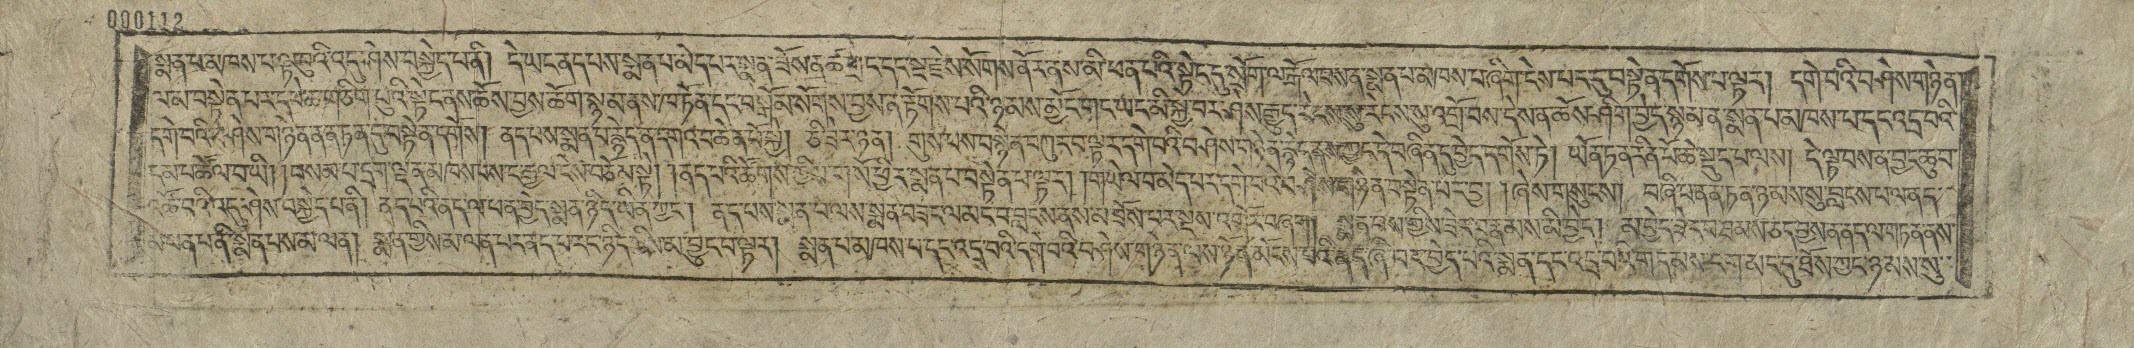སྨན་པ་མཁས་པ་ལྟ་བུའི་འདུ་ཤེས་བསྐྱེད་པ་ནི། དེ་ཡང་ནད་པས་སྨན་པ་མེད་པར་སྨན་ཟོས་ན་ཚ་གྲང་དང་སྔ་རྗེས་སོགས་ནོར་ནས་མི་ཕན་པའི་སྟེང་དུ་སྲོག་ལ་རྒོལ་བས་ན་སྨན་པ་མཁས་པ་ཞིག་ངེས་པར་དུ་བསྟེན་དགོས་པ་ལྟར། དགེ་བའི་བཤེས་གཉེན་
ལ་མ་བསྟེན་པར་དཔེ་ཆ་གཅིག་པུའི་སྟེང་ནས་ཆོས་བྱས་ཆོག་སྙམ་ནས་ཁ་ཏོན་དང་བསྒོམ་སོགས་བྱས་ན་རྟོགས་པའི་ཉམས་མྱོང་གང་ཡང་མི་སྐྱེ་བར་ཤེས་རྒྱུད་རེངས་སུ་རེངས་སུ་འགྲོ་བས་དེས་ན་ཆོས་ཤིག་བྱེད་སྙམ་ན་སྨན་པ་མཁས་པ་དང་འདྲ་བའི་
དགེ་བའི་བཤེས་གཉེན་ནན་ཏན་དུ་བསྟེན་དགོས། ནད་པས་སྨན་པ་རྙེད་ན་དགའ་བ་ཆེན་པོ་སྐྱེ། ཅི་ཟེར་ཉན། གུས་པས་བསྙེན་བཀུར་བ་ལྟར་དགེ་བའི་བཤེས་གཉེན་རྙེད་ནས་ཀྱང་དེ་བཞིན་དུ་བྱེད་དགོས་ཏེ། ཡོན་ཏན་རིན་པོ་ཆེ་སྡུད་པ་ལས། དེ་ལྟ་བས་ན་བྱང་ཆུབ་
དམ་པ་ཚོལ་བ་ཡི། །བསམ་པ་དྲག་ལྡན་མཁས་པས་ང་རྒྱལ་ངེས་བཅོམ་སྟེ། །ནད་པའི་ཚོགས་ཀྱིས་གསོ་ཕྱིར་སྨན་པ་བསྟེན་པ་ལྟར། །གཡེལ་བ་མེད་པར་དགེ་བའི་བཤེས་གཉེན་བསྟེན་པར་བྱ། །ཞེས་གསུངས། བཞི་པ་ནན་ཏན་ཉམས་སུ་བླངས་པ་ལ་ནད་
འཚོ་བའི་འདུ་ཤེས་བསྐྱེད་པ་ནི། ནད་པའི་ནད་ལ་ཕན་བྱེད་སྨན་ཉིད་ཡིན་ཀྱང་། ནད་པས་སྨན་པ་ལས་སྨན་བཟང་ལ་མང་བ་བླངས་ནས་མ་ཟོས་པར་སྔས་འགོར་བཞག །སྨན་པས་གྱིས་ཟེར་བ་རྣམས་མི་བྱེད། མ་བྱེད་ཟེར་བ་ཐམས་ཅད་བྱས་ན་ནད་ལ་གཏན་ནས་
མ་ཕན་པ་ནི་སྨན་པས་མ་ལན། སྨན་གྱིས་མ་ལན་པར་ནད་པ་རང་ཉིད་ཀྱིས་མ་བྱུང་བ་ལྟར། སྨན་པ་མཁས་པ་དང་འདྲ་བའི་དགེ་བའི་བཤེས་གཉེན་ལས་ཉོན་མོངས་པའི་ནད་ཞི་བར་བྱེད་པའི་སྨན་དང་འདྲ་བའི་གདམས་ངག་མང་དུ་ཐོས་ཀྱང་ཉམས་སུ་